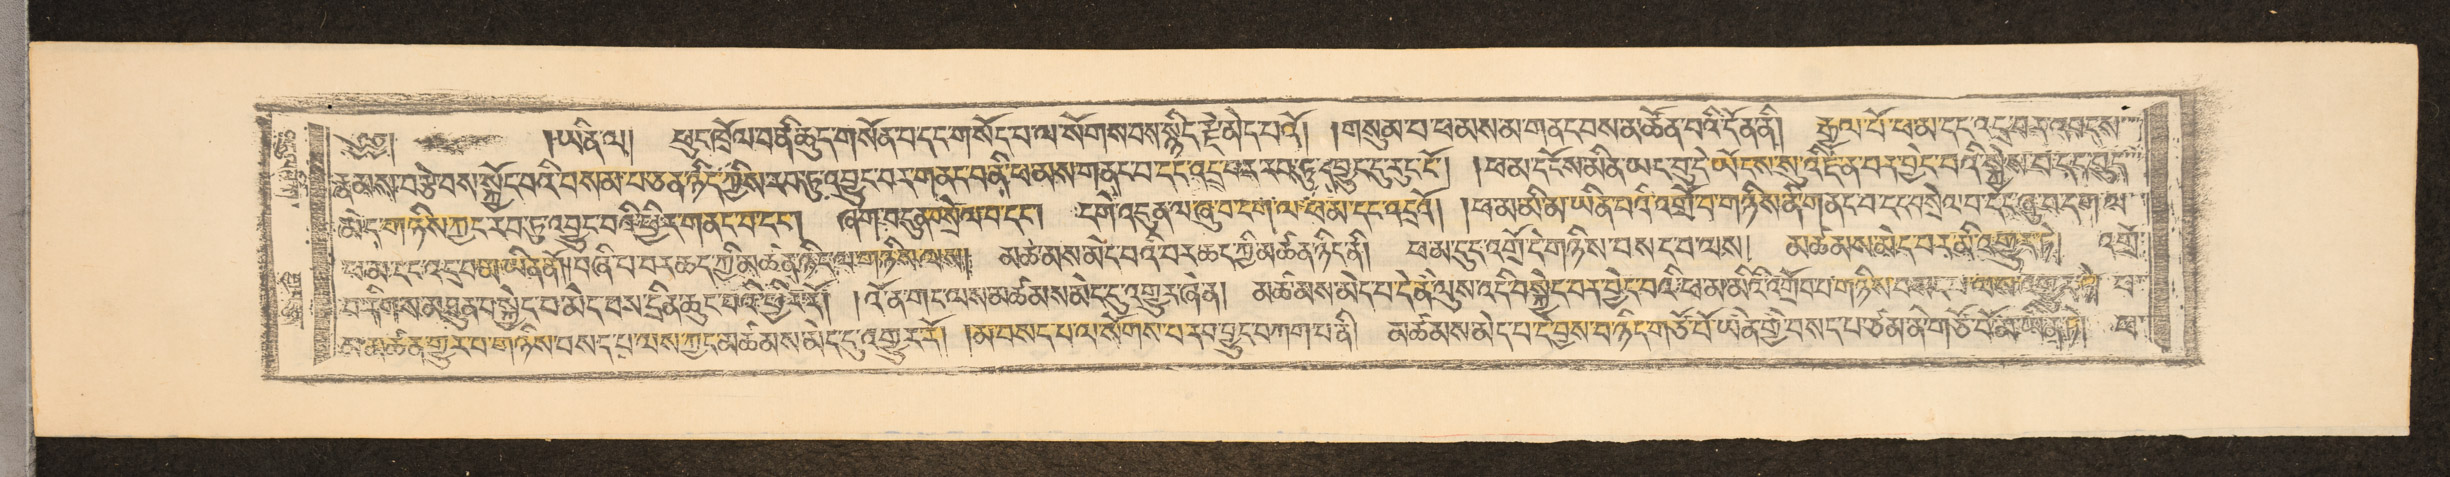༄༅། །ཡིན་ལ། ཕུང་ཁྲོལ་པ་ནི་ཆུད་གསོན་པ་དང་གསོད་པ་ལ་སོགས་པས་སྙིང་རྗེ་མེད་པའོ། །གསུམ་པ་ཕ་མས་མ་གན་རབས་མཚོན་པའི་དོན་ནི། རྒྱལ་པོ་ཕ་མ་དང་འདྲ་བར་འབངས་
རྣམས་བརྩེབས་སྐྱོང་བའི་བསམ་པ་ཅན་ཉིད་ཀྱིས་རབ་ཏུ་འབྱུང་བར་གནང་བ་ནི་ཕ་མས་གནང་བ་དང་འདྲ་བར་རབ་ཏུ་དབྱུང་དུ་རུང་ངོ། །ཕ་མ་དངོས་མིན་ཡང་བུ་དེ་ཡོངས་སུ་འཛིན་པར་བྱེད་པའི་སྐྱེས་བ་དང་བུད་
མེད་གཉིས་ཀྱང་རབ་ཏུ་འབྱུང་བའི་ཕྱིར་གནང་བ་དང་། ཞག་བདུན་བསྲེལ་བ་དང་། དགེ་འདུན་ལ་ཞུ་བ་དག་ལ་ཕ་མ་དང་འདྲའོ། །ཕ་མ་མི་མ་ཡིན་བའི་འགྲོ་བ་གཉིས་ནི་གནང་བ་དང་བསྲེལ་བ་དང་ཞུ་བ་དག་ལ་
ཕ་མ་དང་འདྲ་བ་མ་ཡིན་ནོ།། བཞི་པ་བར་ཆད་ཀྱི་མཚན་ཉིད་ལ་གཉིས་ལས། མཚམས་མེད་པའི་བར་ཆད་ཀྱི་མཚན་ཉིད་ནི། ཕ་མ་དུད་འགྲོ་དེ་གཉིས་བསད་པ་ལས། མཚམས་མེད་པར་མི་འགྱུར་ཏེ། འགྲོ་
བ་ཚིགས་མཐུན་བསྐྱེད་བ་མེད་པས་དྲིན་ཆུང་བའི་ཕྱིར་རོ། །འོ་ན་གང་ལས་མཚམས་མེད་དུ་འགྱུར་ཞེ་ན། མཚམས་མེད་པ་དེ་ནི་ལུས་འདི་བསྐྱེད་བར་བྱེད་པའི་ཕ་མ་མིའི་འགྲོ་བ་པ་གཉིས་བསད་པ་ལས་འགྱུར་ཏེ། ཕ་
མ་མཚན་གྱུར་པ་གཉིས་བསད་པ་ལས་ཀྱང་མཚམས་མེད་དུ་འགྱུར་རོ། །མ་བསད་པ་ལ་སོགས་བ་རབ་བྱུང་བཀག་པ་ནི། མཚམས་མེད་པ་དེ་བྱས་པ་ཉིད་གཙོ་བོ་ཡིན་གྱི་བསད་པ་ཙམ་ནི་གཙོ་བོ་མ་ཡིན་ཏེ། ཕ་